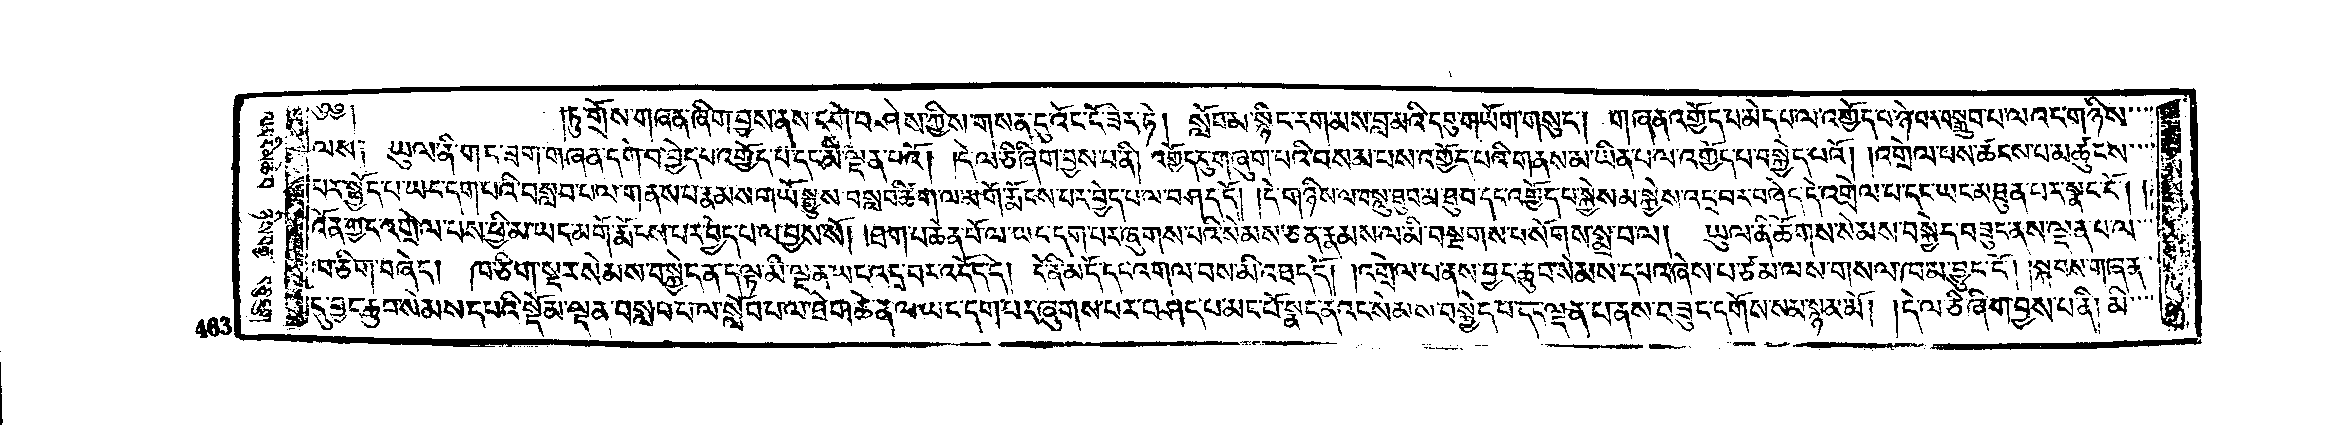༄༅། །ཏུ་གྲོས་གཞན་ཞིག་བྱས་ནས་དགེ་བཤེས་ཀྱིས་གསན་དུ་འོང་ངོ་ཟེར་ཏེ། སློབ་མ་སྙིང་རག་མས་བླ་མའི་དབུ་གཡོག་གསུང་། གཞན་འགྱོད་པ་མེད་པ་ལ་འགྱོད་པ་ཉེ་བར་བསྒྲུབ་པ་ལའང་གཉིས་
ལས༑ ཡུལ་ནི་གང་ཟག་གཞན་དགེ་བ་བྱེད་པ་འགྱོད་པ་དང་མི་ལྡན་པའོ། །དེ་ལ་ཅི་ཞིག་བྱས་པ་ནི། འགྱོད་དུ་གཞུག་པའི་བསམ་པས་འགྱོད་པའི་གནས་མ་ཡིན་པ་ལ་འགྱོད་པ་བསྐྱེད་པའོ། །འགྲེལ་པས་ཚངས་པ་མཚུངས་
པར་སྤྱོད་པ་ཡང་དག་པའི་བསླབ་པ་ལ་གནས་པ་རྣམས་གཡོ་སྒྱུས་བསླབ་ཚིག་ལ་མགོ་རྨོངས་པར་བྱེད་པ་ལ་བཤད་དོ། །དེ་གཉིས་ལ་བསླུ་ཐུབ་མ་ཐུབ་དང་འགྱོད་པ་སྐྱེས་མ་སྐྱེས་འདྲ་བར་བཞེད་དེ་འགྲེལ་པ་དང་ཡང་མཐུན་པར་སྣང་ངོ། །
འོན་ཀྱང་འགྲེལ་པས་ཕྱི་མ་ཡང་མགོ་རྨོངས་པར་བྱེད་པ་ལ་བྱས་སོ། །ཐེག་པ་ཆེན་པོ་ལ་ཡང་དག་པར་ཞུགས་པའི་སེམས་ཅན་རྣམས་ལ་མི་བསྔགས་པ་སོགས་སྨྲ་བ་ལ། ཡུལ་ནི་ཆོ་གས་སེམས་བསྐྱེད་བཟུང་ནས་ལྡན་པ་ལ་
ཁ་ཅིག་བཞེད། ཁ་ཅིག་སྔར་སེམས་བསྐྱེད་ན་ད་ལྟ་མི་ལྡན་ཡང་འདྲ་བར་འདོད་དེ། དེ་ནི་མདོ་དང་འགལ་བས་མི་འཐད་དོ། །འགྲེལ་པ་ནས་བྱང་ཆུབ་སེམས་དཔའ་ཞེས་པ་ཙམ་ལས་གསལ་ཁ་མ་བྱུང་ངོ། །སྐབས་གཞན་
དུ་བྱང་ཆུབ་སེམས་དཔའི་སྡོམ་ལྡན་བསླབ་པ་ལ་སློབ་པ་ལ་ཐེག་ཆེན་ལ་ཡང་དག་པར་ཞུགས་པར་བཤད་པ་མང་པོ་སྣང་ནའང་སེམས་བསྐྱེད་པ་དང་ལྡན་པ་ནས་བཟུང་དགོས་སམ་སྙམ་མོ། །དེ་ལ་ཅི་ཞིག་བྱས་པ་ནི། མི་